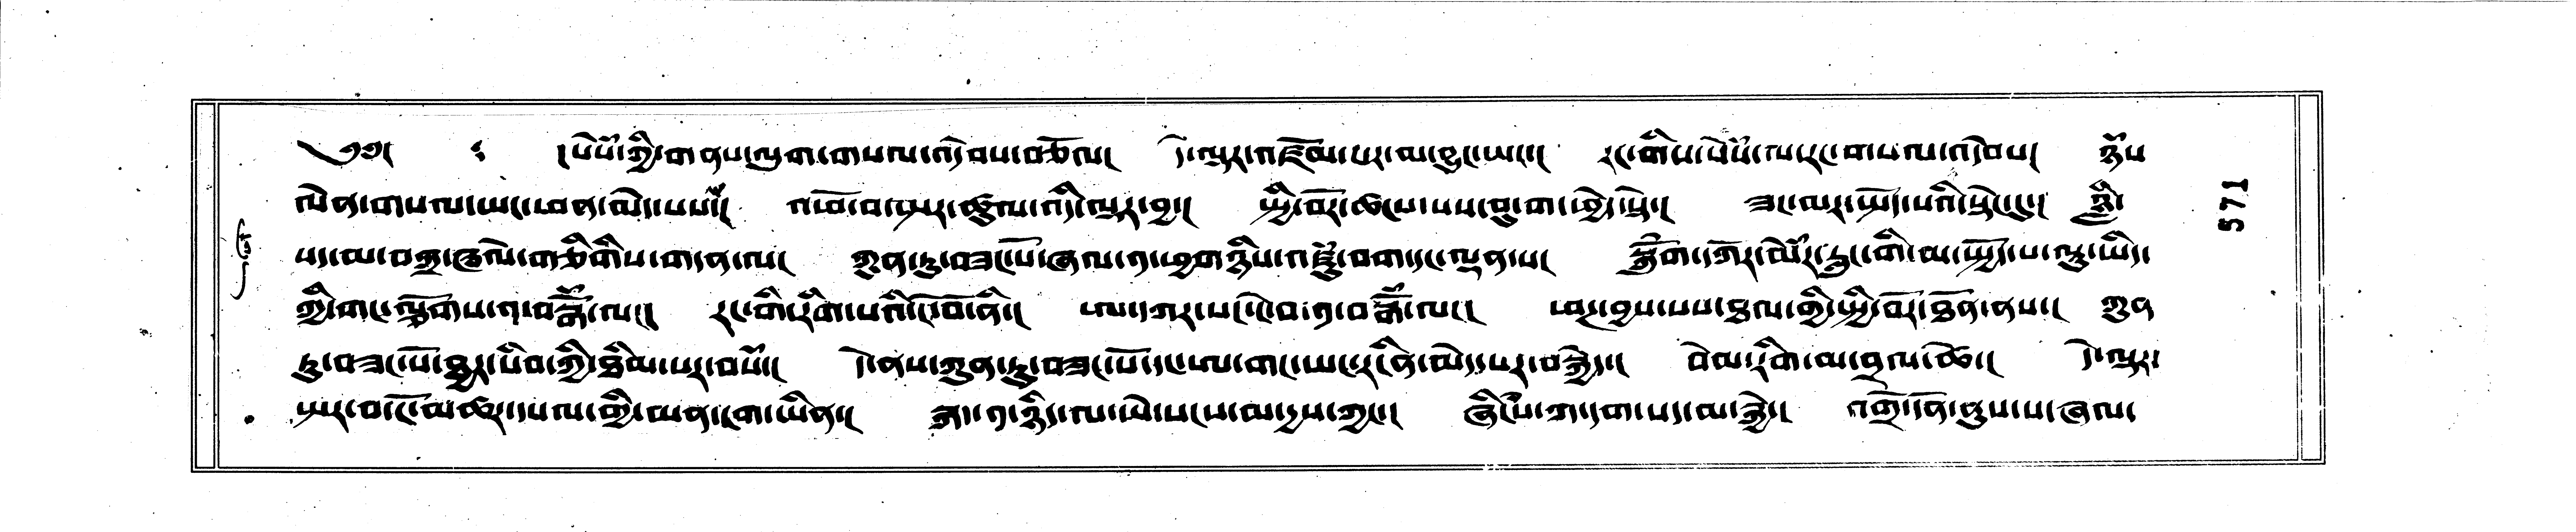སེམས་ཀྱི་གནས་ལུགས་གསལ་འདེབས་བཅོལ། དེ་ལྟར་འཛོམ་པར་མ་བྱུང་ཡང་། རང་གིས་སེམས་ལ་རང་གསལ་འདེབས། ཉམས་
ལེན་གསལ་ཡང་ཕན་མེད་པས། འཕོ་བ་སྤར་ཚུལ་འདི་ལྟར་བྱ། སྤྱི་བོར་ཚངས་པའི་བུ་ག་ཕྱེད་སྟེ། ཟང་མར་ཡོད་པའི་སྟེང་དུ། ཉི་ཟླ་
པདྨ་བཀྲ་ཝ་ལེ་བ་ཅིག་གིས་གདན་ལ། ཀུན་ཏུ་བཟང་པོ་ཞལ་ཅིག་ཕྱག་གཉིས་འཛུམ་བག་དང་ལྡན་པ། སྐུ་མདོག་དཀར་པོ་མར་མེ་རླུང་གིས་མ་སྤྱོད་༼བསྐྱོད༽པ་ལྟ་༼བུ༽ཡིད་
ཀྱིས་གང་ལྕོག་ཅིག་སྒོམ་ལ། རང་གི་རིག་པའི་ངོའོ་དེ། ཨ་དཀར་སང་ངེ་བ་ཅིག་བསྒོམ་ལ། ཕཊ་བྱས་པའི་ཐལ་གྱི་སྤྱི་བོར་ཐོན་ནས། ཀུན་
ཏུ་བཟང་པོའི་ཐུགས་ཁར་སིབ་ཀྱིས་ཐིམ་པར་བསམ། དེ་ནས་ཀུན་ཏུ་བཟང་པོ་དང་ཨ་གང་ཡང་རང་བཞིན་མེད་པར་བསྐྱེད། བེམ་རིག་མ་བྲལ་ཚེ། དེ་ལྟར་
སྤར་བ་ངོ་མཚར་དཔལ་གྱི་མན་ངག་ཡིན། སྐད་ཅིག་ཉིད་ལ་ཡེ་སངས་མ་རྒྱས་ཀྱང་། ཞིང་ཁམས་ཀ་དག་པདྨར་སྐྱེ། འགྲོ་དོན་ནུས་པ་ཞལ་